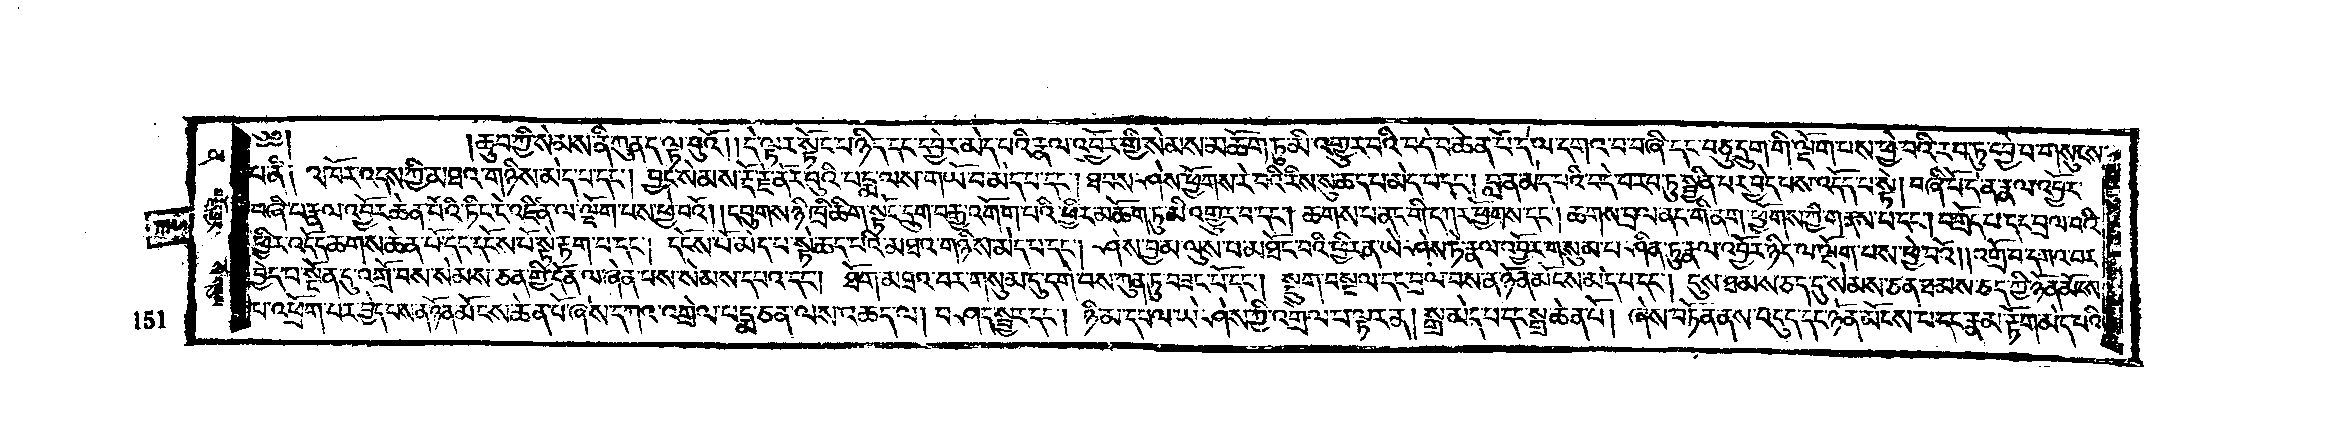༄༅། །ཆུབ་ཀྱི་སེམས་ནི་ཀུན་ད་ལྟ་བུའོ། །དེ་ལྟར་སྟོང་པ་ཉིད་དང་དབྱེར་མེད་པའི་རྣལ་འབྱོར་གྱི་སེམས་མཆོག་ཏུ་མི་འགྱུར་བའི་བདེ་བ་ཆེན་པོ་དེ་ལ་དགའ་བ་བཞི་དང་བཅུ་དྲུག་གི་ལྡོག་པས་ཕྱེ་བའི་རབ་ཏུ་དབྱེ་བ་གསུངས་
པ་ནི། འཁོར་འདས་ཀྱི་མཐའ་གཉིས་མེད་པ་དང་།བྱང་སེམས་རྡོ་རྗེ་ནོར་བུའི་པདམ་ལས་གཡོ་བ་མེད་པ་དང་།ཐབས་ཤེས་ཕྱོགས་རེ་བའི་རིས་སུ་ཆད་པ་མེད་པ་དང་།བླ་ན་མེད་པའི་བདེ་བ་རབ་ཏུ་སྦྱིན་པར་བྱེད་པས་འདོད་པ་སྟེ། བཞི་པོ་དེ་ན་རྣལ་འབྱོར་
བཞི་པ་རྣལ་འབྱོར་ཆེན་པོའི་ཏིང་ངེ་འཛིན་ལ་ལྡོག་པས་ཕྱེ་བའོ། །དབུགས་ཉི་ཁྲི་ཆིག་སྟོང་དྲུག་བརྒྱ་འགོག་པའི་ཕྱིར་མཆོག་ཏུ་མི་འགྱུར་བ་དང་།ཆགས་པ་ནང་གི་དཀར་ཕྱོགས་དང་།ཆགས་བྲལ་ནང་གི་ནག་ཕྱོགས་ཀྱི་གནས་པ་དང་།བགྲོད་པ་དང་བྲལ་བའི་
ཕྱིར་འདོད་ཆགས་ཆེན་པོ་དང་དངོས་པོ་སྟེ་རྟག་པ་དང་།དངོས་པོ་མེད་པ་སྟེ་ཆད་པའི་མཐའ་གཉིས་མེད་པ་དང་།ཤེས་བྱ་མ་ལུས་པ་མཐོང་བའི་ཕྱིར་ན་ཡེ་ཤེས་ཏེ་རྣལ་འབྱོར་གསུམ་པ་ཤིན་ཏུ་རྣལ་འབྱོར་ཉིད་ལ་ལྡོག་པས་ཕྱེ་བའོ། །འགྲོ་བ་དགའ་བར་
བྱེད་པ་སྔོན་དུ་འགྲོ་བས་སེམས་ཅན་གྱི་དོན་ལ་ཞེན་པས་སེམས་དཔའ་དང་།ཐོག་མཐའ་བར་གསུམ་དུ་དགེ་བས་ཀུན་ཏུ་བཟང་པོ་དང་།སྡུག་བསྔལ་དང་བྲལ་བས་ན་ཉོན་མོངས་མེད་པ་དང་།དུས་ཐམས་ཅད་དུ་སེམས་ཅན་ཐམས་ཅད་ཀྱི་ཉོན་མོངས་
པ་འཕྲོག་པར་བྱེད་པས་ན་ཉོན་མོངས་ཆེན་པོ་ཞེས་དཀའ་འགྲེལ་པདམ་ཅན་ལས་འཆད་ལ། བཤད་སྦྱར་དང་།ཉི་མ་དཔལ་ཡེ་ཤེས་ཀྱི་འགྲེལ་པ་ལྟར་ན། སྒྲ་མེད་པ་དང་སྒྲ་ཆེན་པོ། ཞེས་བཏོན་ནས་བདུད་དང་ཉོན་མོངས་པ་དང་རྣམ་རྟོག་མེད་པའི་